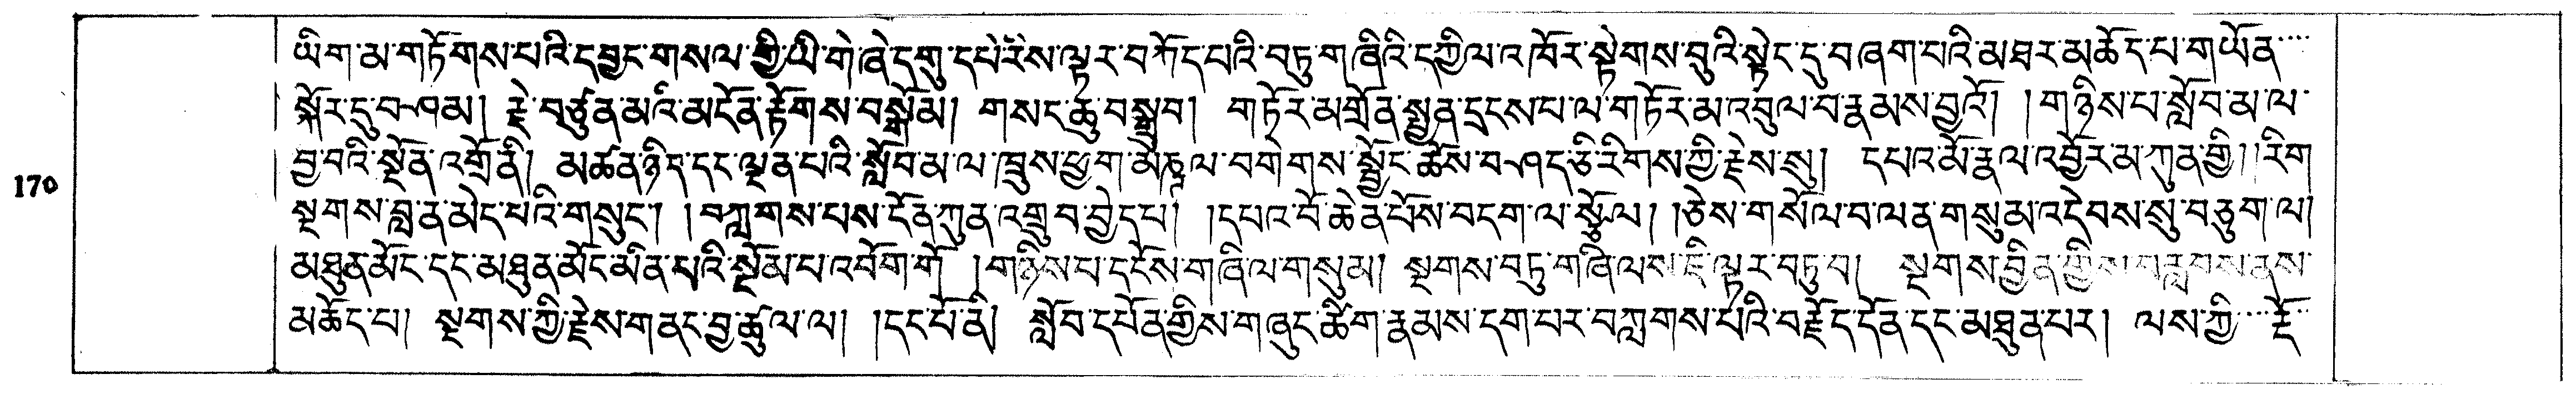ཡིག་མ་གཏོགས་པའི་དབྱང་གསལ་གྱི་ཡི་གེ་ཞེ་དགུ་དཔེ་རིས་ལྟར་བཀོད་པའི་བཏུ་གཞིའི་དཀྱིལ་འཁོར་སྟེགས་བུའི་སྟེང་དུ་བཞག་པའི་མཐར་མཆོད་པ་གཡོན་
སྐོར་དུ་བཤམ། རྗེ་བཙུན་མའི་མངོན་རྟོགས་བསྒོམ། གསང་ཆུ་བསྒྲུབ། གཏོར་མགྲོན་སྤྱན་དྲངས་པ་ལ་གཏོར་མ་འབུལ་བ་རྣམས་བྱའོ། །གཉིས་པ་སློབ་མ་ལ་
བྱ་བའི་སྔོན་འགྲོ་ནི། མཚན་ཉིད་དང་ལྡན་པའི་སློབ་མ་ལ་ཁྲུས་ཕྱག་མཎྜལ་བགེགས་སྦྱོང་ཆོས་བཤད་ཅི་རིགས་ཀྱི་རྗེས་སུ། དཔའ་མོ་རྣལ་འབྱོར་མ་ཀུན་གྱི། །རིག་
སྔགས་བླ་ན་མེད་པའི་གསུང་། །བཀླགས་པས་དོན་ཀུན་འགྲུབ་བྱེད་པ། །དཔའ་བོ་ཆེན་པོས་བདག་ལ་སྩོལ། །ཅེས་གསོལ་བ་ལན་གསུམ་འདེབས་སུ་བཅུག་ལ།
མཐུན་མོང་དང་མཐུན་མོང་མིན་པའི་སྡོམ་པ་འབོག་གོ །གཉིས་པ་དངོས་གཞི་ལ་གསུམ། སྔགས་བཏུ་གཞི་ལས་ཇི་ལྟར་བཏུ་བ། སྔགས་བྱིན་གྱིས་བརླབས་ནས་
མཆོད་པ། སྔགས་ཀྱི་རྗེས་གནང་བྱ་ཚུལ་ལ། །དང་པོ་ནི། སློབ་དཔོན་གྱིས་གཞུང་ཚིག་རྣམས་དག་པར་བཀླགས་པའི་བརྗོད་དོན་དང་མཐུན་པར། ལས་ཀྱི་རྡོ་